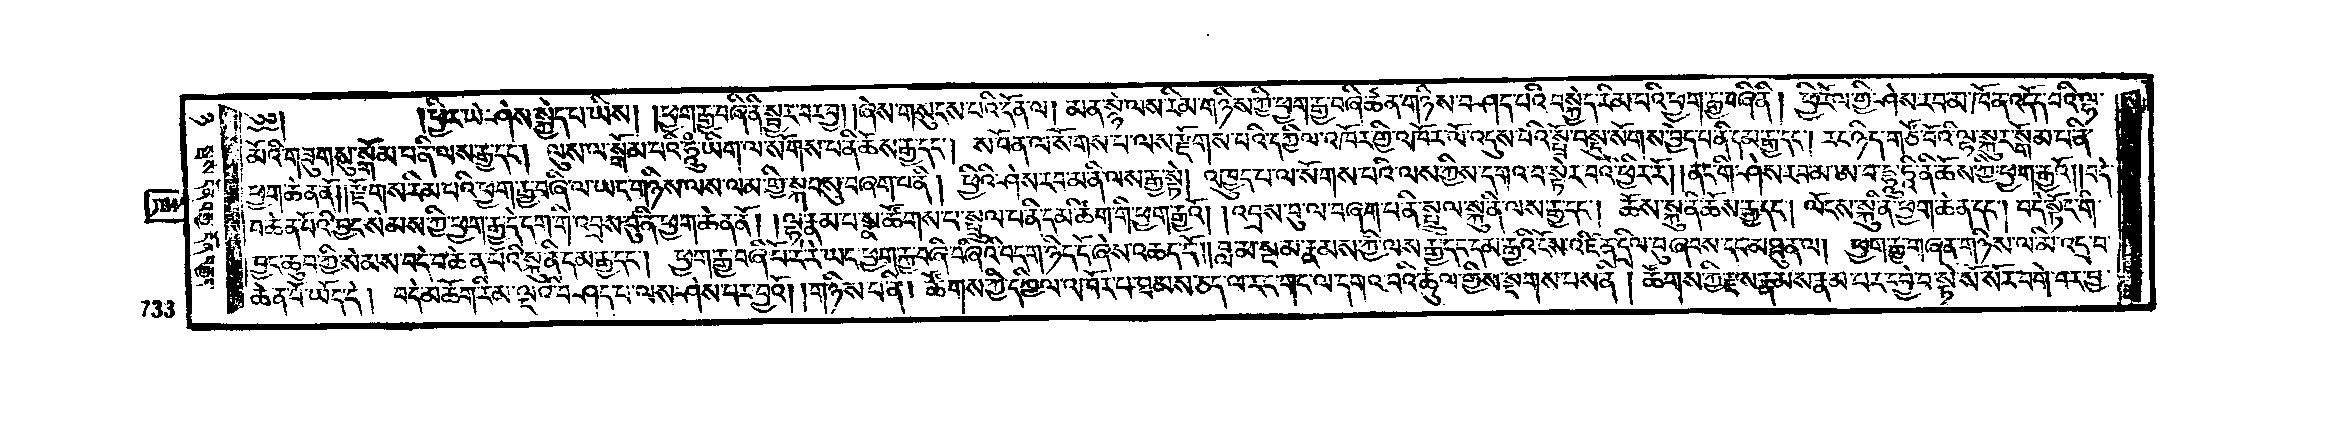༄༅། །ཕྱིར་ཡེ་ཤེས་སྐྱེད་པ་ཡིས། །ཕྱག་རྒྱ་བཞི་ནི་སྦྱར་བར་བྱ། །ཞེས་གསུངས་པའི་དོན་ལ། མན་སྙེ་ལས་རིམ་གཉིས་ཀྱི་ཕྱག་རྒྱ་བཞི་ཚན་གཉིས་བཤད་པའི་བསྐྱེད་རིམ་པའི་ཕྱག་རྒྱ་བཞི་ནི། ཕྱི་རོལ་གྱི་ཤེས་རབ་མ་ཁོ་ན་འདོད་པའི་ལྷ་
མོའི་གཟུགས་སུ་སྒོམ་པ་ནི་ལས་རྒྱ་དང་། ལུས་ལ་སྒོམ་པའི་ཧཱུཾ་ཡིག་ལ་སོགས་པ་ནི་ཆོས་རྒྱ་དང་། ས་བོན་ལ་སོགས་པ་ལས་རྫོགས་པའི་དཀྱིལ་འཁོར་གྱི་འཁོར་ལོ་འདུས་པའི་སྤྲོ་བསྡུ་སོགས་བྱེད་པ་ནི་དམ་རྒྱ་དང་། རང་ཉིད་གཙོ་བོའི་ལྷ་སྐུར་སྒོམ་པ་ནི་
ཕྱག་ཆེན་ནོ། །རྫོགས་རིམ་པའི་ཕྱག་རྒྱ་བཞི་ལ་ཡང་གཉིས་ལས་ལམ་གྱི་སྐབས་སུ་བཞག་པ་ནི། ཕྱིའི་ཤེས་རབ་མ་ནི་ལས་རྒྱ་སྟེ། འཁྱུད་པ་ལ་སོགས་པའི་ལས་ཀྱིས་དགའ་བ་སྟེར་བའི་ཕྱིར་རོ། །ནང་གི་ཤེས་རབ་མ་ཨ་བ་དྷཱུ་ཏཱི་ནི་ཆོས་ཀྱི་ཕྱག་རྒྱའོ། །བདེ་
བ་ཆེན་པོའི་བྱང་སེམས་ཀྱི་ཕྱག་རྒྱ་དེ་དག་གི་འབྲས་བུ་ནི་ཕྱག་ཆེན་ནོ། །ལྷ་རྣམ་པ་སྣ་ཚོགས་པ་སྤྲུལ་པ་ནི་དམ་ཚིག་གི་ཕྱག་རྒྱའོ། །འབྲས་བུ་ལ་བཞག་པ་ནི་སྤྲུལ་སྐུ་ནི་ལས་རྒྱ་དང་། ཆོས་སྐུ་ནི་ཆོས་རྒྱ་དང་། ལོངས་སྐུ་ནི་ཕྱག་ཆེན་དང་། བདེ་སྟོང་གི་
བྱང་ཆུབ་ཀྱི་སེམས་བདེ་བ་ཆེན་པོའི་སྐུ་ནི་དམ་རྒྱ་དང་། ཕྱག་རྒྱ་བཞི་པོ་རེ་རེ་ཡང་ཕྱག་རྒྱ་བཞི་བཞིའི་བདག་ཉིད་དོ་ཞེས་འཆད་དོ། །བླ་མ་སྔ་མ་རྣམས་ཀྱི་ལས་རྒྱ་དང་དམ་རྒྱའི་ངོས་འཛིན་དྲིལ་བུ་ཞབས་དང་མཐུན་ལ། ཕྱག་རྒྱ་གཞན་གཉིས་ལ་མི་འདྲ་བ་
ཆེན་པོ་ཡོད་དེ། བདེ་མཆོག་རིམ་ལྔའི་བཤད་པ་ལས་ཤེས་པར་བྱའོ། །གཉིས་པ་ནི། ཚོགས་ཀྱི་དཀྱིལ་འཁོར་བ་ཐམས་ཅད་ལ་རང་གང་ལ་དགའ་བའི་ཚུལ་གྱིས་སྔགས་པས་ནི། ཚོགས་ཀྱི་རྫས་རྣམས་རྣམ་པར་དབྱེ་བ་སྟེ་སོ་སོར་བགོ་བར་བྱ་